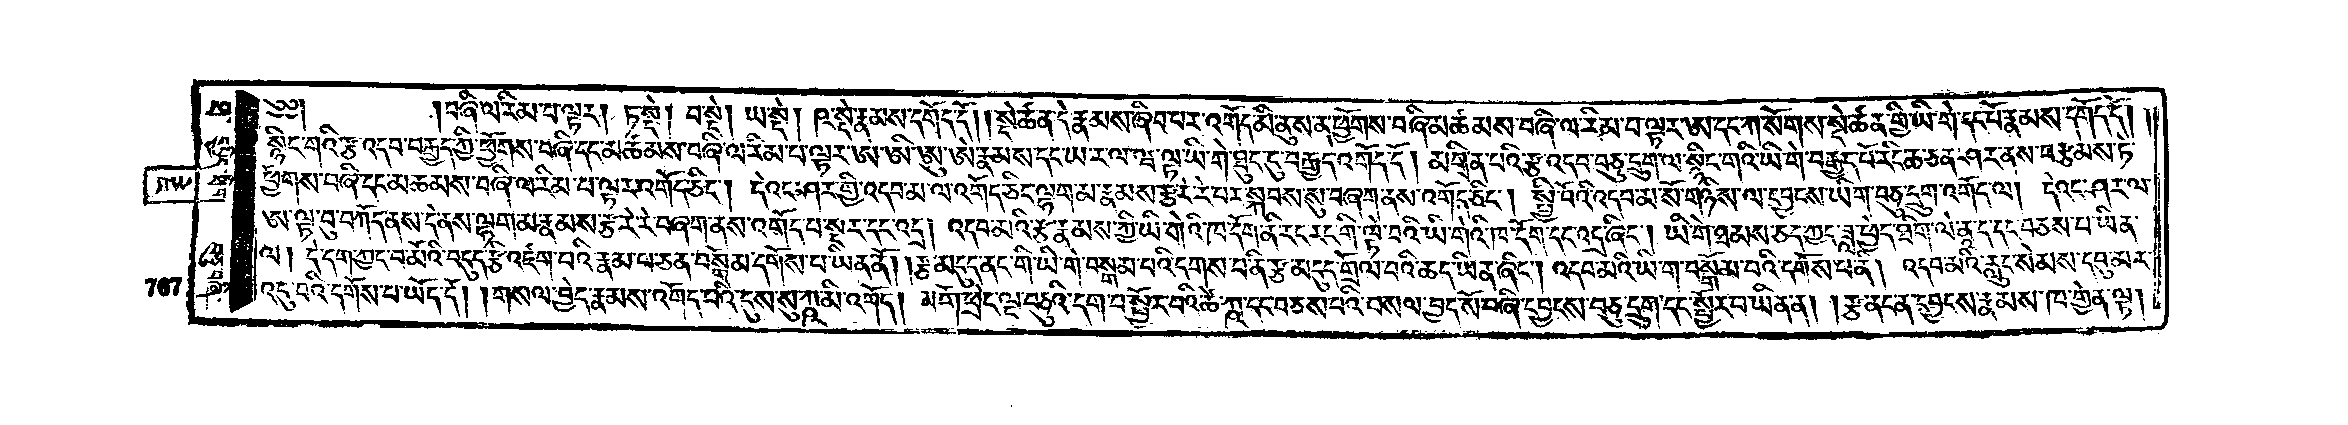༄༅། །བཞི་ལ་རིམ་པ་ལྟར། ཏ་སྡེ། བ་སྡེ། ཡ་སྡེ། ཥ་སྡེ་རྣམས་དགོད་དོ། །སྡེ་ཚན་དེ་རྣམས་ཞིབ་པར་འགོད་མི་ནུས་ན་ཕྱོགས་བཞི་མཚམས་བཞི་ལ་རིམ་པ་ལྟར་ཨ་དང་ཀ་སོགས་སྡེ་ཚན་གྱི་ཡི་གེ་དང་པོ་རྣམས་དགོད་དོ། །
སྙིང་གའི་རྩ་འདབ་བརྒྱད་ཀྱི་ཕྱོགས་བཞི་དང་མཚམས་བཞི་ལ་རིམ་པ་ལྟར་ཨ་ཨི་ཨུ་ཨེ་རྣམས་དང་ཡ་ར་ལ་ཝ་ལྟ་ཡི་གེ་ཐུང་དུ་བརྒྱད་འགོད་དོ། མགྲིན་པའི་རྩ་འདབ་བཅུ་དྲུག་ལ་སྙིང་གའི་ཡི་གེ་བརྒྱད་པོ་རིང་ཆ་ཅན་ཤར་ནས་བརྩམས་ཏེ་
ཕྱོགས་བཞི་དང་མཚམས་བཞི་ལ་རིམ་པ་ལྟར་འགོད་ཅིང་། དེའང་ཤར་གྱི་འདབ་མ་ལ་འགོད་ཅིང་ལྷག་མ་རྣམས་རྩ་རེ་རེ་པར་སྐབས་སུ་བཞག་ནས་འགོད་ཅིང་། སྤྱི་བོའི་འདབ་མ་སོ་གཉིས་ལ་དབྱངས་ཡིག་བཅུ་དྲུག་འགོད་ལ། དེའང་ཤར་ལ་
ཨ་ལྟ་བུ་བཀོད་ནས་དེ་ནས་ལྷག་མ་རྣམས་རྩ་རེ་རེ་བཞག་ནས་འགོད་པ་སྔར་དང་འདྲ། འདབ་མའི་རྩ་རྣམས་ཀྱི་ཡི་གེའི་ཁ་དོག་ནི་རང་རང་གི་ལྟེ་བའི་ཡི་གེའི་ཁ་དོག་དང་འདྲ་ཞིང་། ཡི་གེ་ཐམས་ཅད་ཀྱང་ཟླ་ཕྱེད་ཐིག་ལེ་ནཱ་ད་དང་བཅས་པ་ཡིན་
ལ། དེ་དག་ཀྱང་བ་མོའི་བདུད་རྩི་འཛག་པའི་རྣམ་པ་ཅན་བསྒོམ་དགོས་པ་ཡིན་ནོ། །རྩ་མདུད་ནང་གི་ཡི་གེ་བསྒོམ་པའི་དགོས་པ་ནི་རྩ་མདུད་གྲལ་བའི་ཆད་ཡིན་ཞིང་། འདབ་མའི་ཡི་གེ་བསྒོམ་པའི་དགོས་པ་ནི། འདབ་མའི་རླུང་སེམས་དབུ་མར་
འདུ་བའི་དགོས་པ་ཡོད་དོ། །གསལ་བྱེད་རྣམས་འགོད་པའི་དུས་སུ་ཀྵ་མི་འགོད། མགོ་ཕྲེང་ལྔ་བཅུའི་དག་པ་སྦྱོར་བའི་ཚེ་ཀྵ་དང་བཅས་པའི་བསལ་བྱེད་སོ་བཞི་དབྱངས་བཅུ་དྲུག་དང་སྦྱོར་བ་ཡིན་ན། །རྩ་ནང་ན་དབྱངས་རྣམས་ཁ་གྱེན་ལྟ།